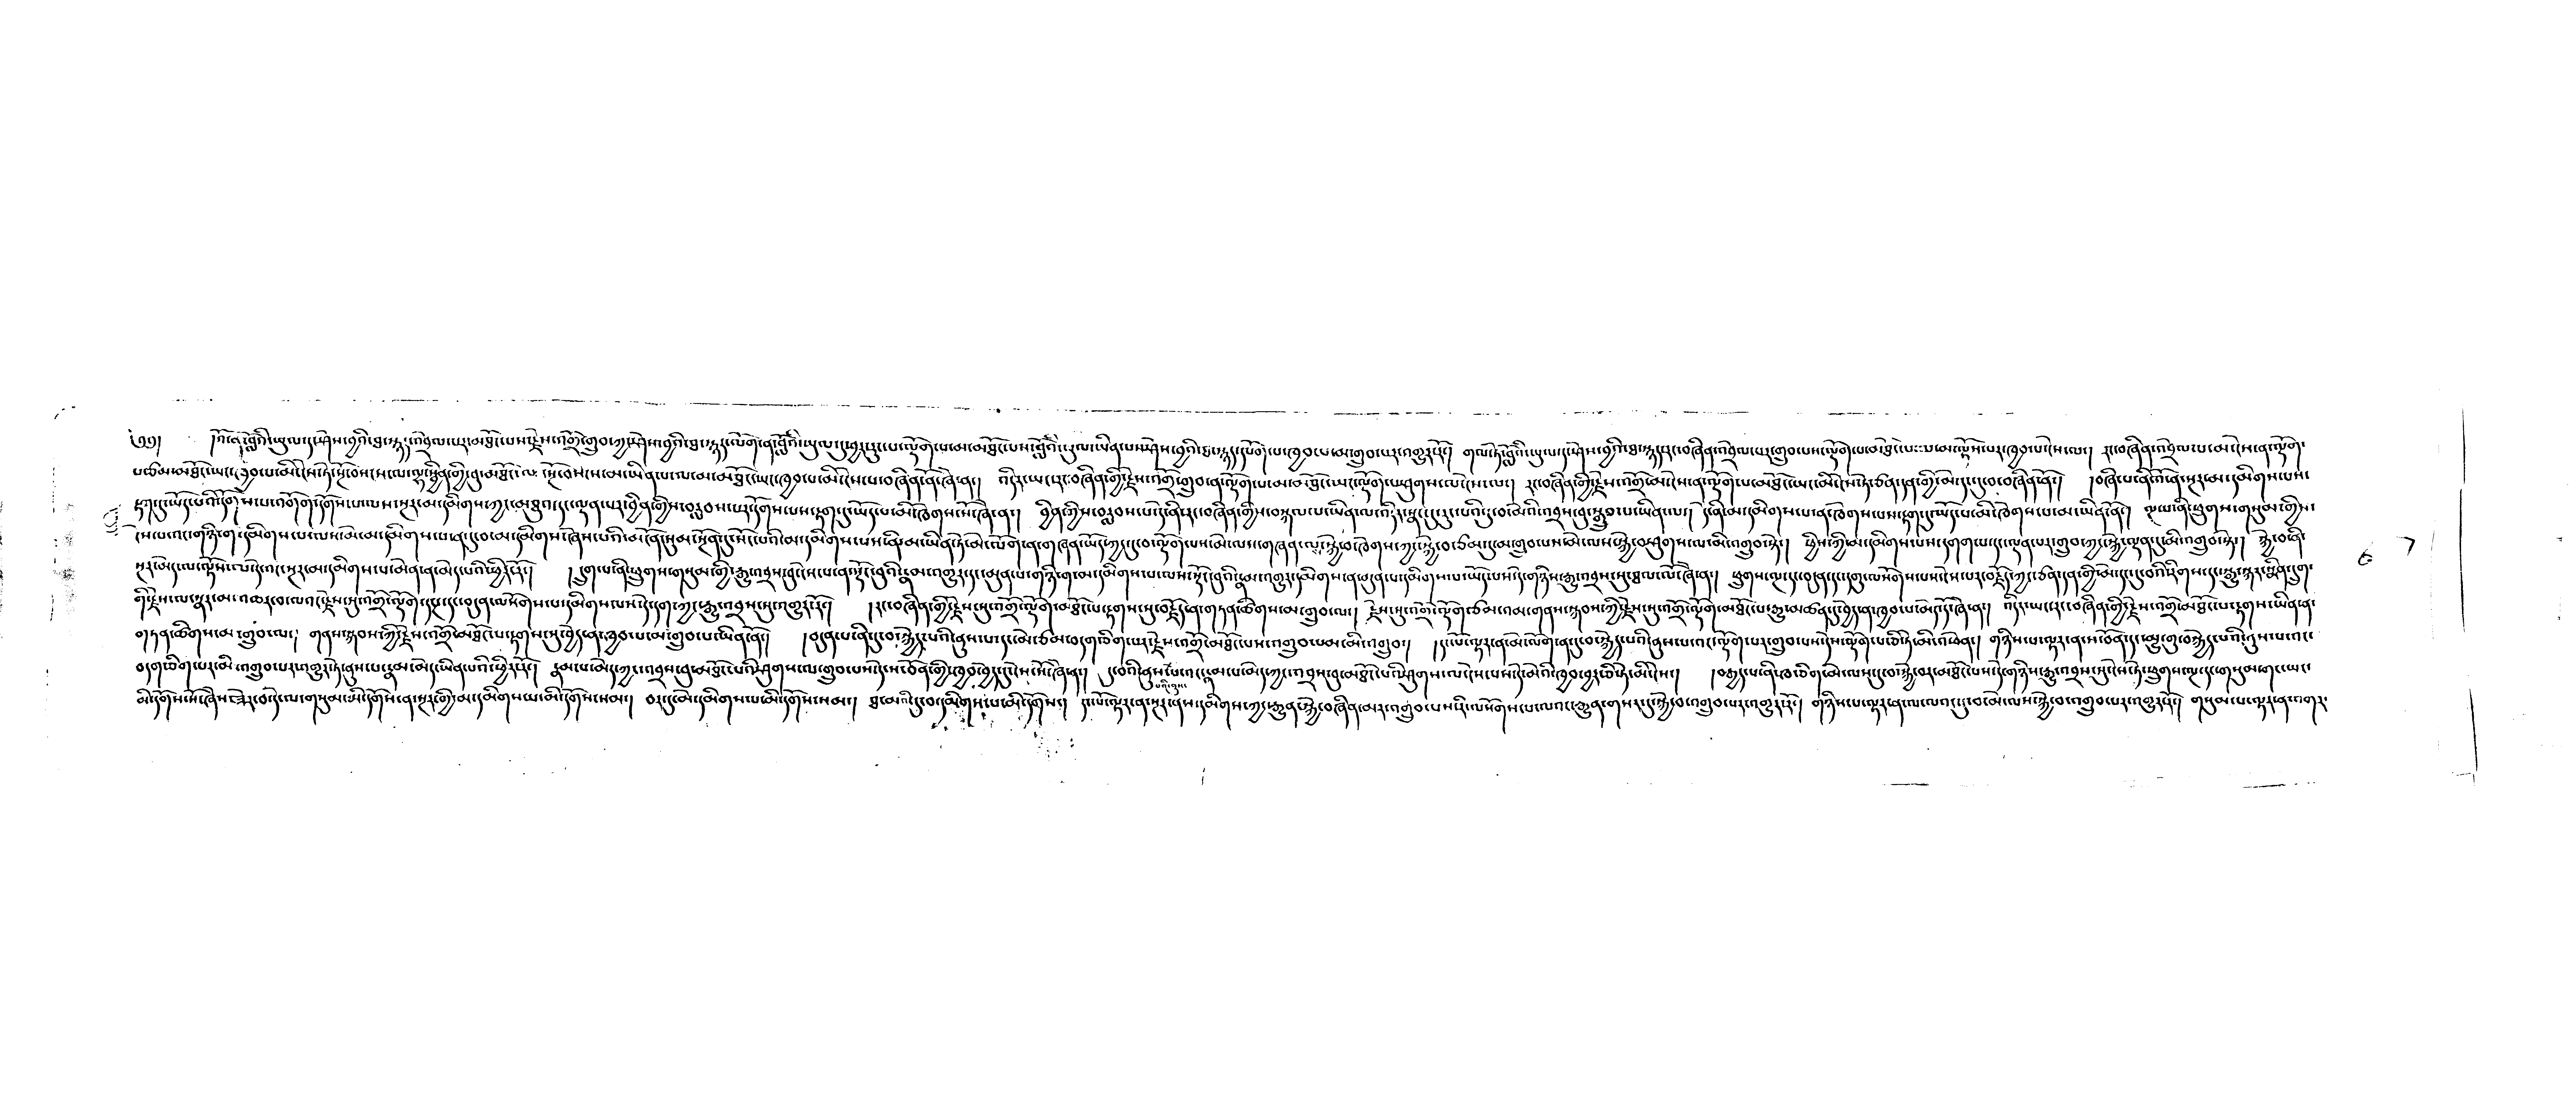༄༅། །འོ་ན་བློའི་ཡུལ་དང་ཤེས་བྱའི་ཐ་སྙད་འབྲེལ་པར་མཐོང་པས་རྗེས་འགྲོ་གྲུབ་ཀྱང་ཤེས་བྱའི་ཐ་སྙད་ལོག་ན་བློའི་ཡུལ་དུ་བྱར་རུང་པ་ལྡོག་པ་མ་མཐོང་པས་བློའི་ཡུལ་ཡིན་པས་ཤེས་བྱའི་ཐ་སྙད་དཔོག་པ་ཁྱབ་པ་མ་གྲུབ་པར་འགྱུར་རོ། གལ་ཏེ་བློའི་ཡུལ་དང་ཤེས་བྱའི་ཐ་སྙད་རང་བཞིན་འབྲེལ་པར་གྲུབ་པས་ལྡོག་པ་མཐོང་པ་ལ་མ་ལྟོས་པར་ཁྱབ་པ་ངེས་ལ། རང་བཞིན་འབྲེལ་པ་མ་ངེས་ན་ལྡོག་
པ་ཙམ་མཐོང་ཡང་ཁྱབ་པ་མི་ངེས་ཏེ་སྔོ་བསངས་ལ་ལྷ་སྦྱིན་གྱི་བུ་མཐོང་ལ་སྔོ་བསངས་མ་ཡིན་པ་ལ་མ་མཐོང་ཡང་ཁྱབ་པ་མི་ངེས་པ་བཞིན་ནོ་ཞེ་ན། འདིར་ཡང་རང་བཞིན་གྱི་རྗེས་འགྲོ་གྲུབ་ན་ལྡོག་པ་མ་མཐོང་ཡང་ལྡོག་པ་ཤུགས་ལ་ངེས་ལ། རང་བཞིན་གྱི་རྗེས་འགྲོ་མ་ངེས་ན་ལྡོག་པ་མཐོང་ཡང་མི་ངེས་ཏེ་ཙན་དན་གྱི་མེ་དང་དུ་བ་བཞིན་ནོ། །བཞི་པ་ནི་འོ་ན་སྔར་མ་དམིགས་པས་
རྟག་དུ་ཡོད་པའི་དོགས་པ་འགོག་དོགས་པ་ལས་སྔར་མ་དམིགས་ཀྱང་མཐུའ་དང་ལྡན་པར་བྱིན་གྱིས་བརླབས་པར་དོགས་པས་རྟག་དུ་ཡོད་པ་མི་ཁེགས་སོ་ཞེ་ན། བྱིན་གྱིས་བརླབས་པ་དེ་ནི་རང་བཞིན་གྱིས་བསྐལ་པ་ཡིན་ལ་འདིར་སྣང་དུ་རུང་པའི་དུ་བ་མེའི་འབྲས་བུ་སྒྲུབ་པ་ཡིན་ལ། དེ་ནི་མ་དམིགས་པ་ན་ཁེགས་པས་རྟག་དུ་ཡོད་པ་མི་ཁེགས་པ་མ་ཡིན་ནོ། ལྔ་པ་ནི་ཕྲུགས་གསུམ་གྱིས་
ངེས་པ་འང་གཉི་ག་དམིགས་པ་ལས་མེ་མ་དམིགས་པ་ན་དུ་བ་མ་དམིགས་ཞེས་པའི་མངོན་སུམ་སྔོན་དུ་སོང་པའི་མ་དམིགས་པས་ནི་མ་ཡིན་ཏེ་མེ་ལོག་ན་གཞན་ཡོད་ཀྱང་དུ་བ་ལྡོག་པས་མེ་ལས་གཞན་ལས་སྐྱེ་བ་ཁེགས་ཀྱང་སྐྱེ་བ་ཙམ་དུ་མ་གྲུབ་པས་མེ་ལས་སྐྱེ་བ་ཤུགས་ལ་མི་འགྲུབ་སྟེ། ཕྱིས་ཀྱི་མ་དམིགས་པས་དགག་པ་དང་ལྡན་པར་གྲུབ་ཀྱང་སྐྱེ་ལྡན་དུ་མི་འགྲུབ་སྟེ། སྐྱེ་བ་ནི་
སྔར་མེད་ལ་ལྟོས་ལ་དེ་འང་སྔར་མ་དམིགས་པ་མེན་ན་མེད་པའི་ཕྱིར་རོ། །དྲུག་པ་ནི་ཕྲུགས་གསུམ་གྱི་རྒྱུ་འབྲས་བུ་ངེས་པ་ན་ལྡོང་བུའི་རྣམ་འགྱུར་དང་མུན་པ་གཉི་ག་མ་དམིགས་པ་ལས་སྡོང་བུའི་རྣམ་འགྱུར་དམིགས་ན་བདུན་པ་དམིགས་པ་ཡོད་པས་དེ་གཉིས་རྒྱུ་འབྲས་སུ་ཐལ་ལོ་ཞེ་ན། ཕྲུགས་ལྔ་དང་བདུན་དང་དགུ་ལ་སོགས་པས་ངེས་པར་བརྗོད་ཀྱང་ཙན་དན་གྱི་མེ་དང་དུ་བའི་རིགས་དང་སྒྱུ་སྐར་སྨིན་དྲུག་
གི་རྗེས་ལ་སྣར་མ་འཆར་བ་ལའང་རྗེས་སུ་འགྲོ་ལྡོག་དང་?་བདུན་ལ་སོགས་པ་དམིགས་པས་དེ་དག་ཀྱང་རྒྱུ་འབྲས་སུ་འགྱུར་རོ། །རང་བཞིན་གྱི་རྗེས་སུ་འགྲོ་ལྡོག་མཐོང་པ་རྟགས་སུ་བརྗོད་ན་གཏན་ཚིགས་མ་གྲུབ་ལ། རྗེས་སུ་འགྲོ་ལྡོག་ཙམ་འམ་གནས་སྐབས་ཀྱི་རྗེས་སུ་འགྲོ་ལྡོག་མཐོང་པ་རྒྱུ་མཚན་དུ་བྱེད་ན་ཁྱབ་པ་མེད་དོ་ཞེ་ན། འདིར་ཡང་རང་བཞིན་གྱི་རྗེས་འགྲོ་མཐོང་པ་རྟགས་ཡིན་ན་
གཏན་ཚིགས་མ་གྲུབ་ལ། གནས་སྐབས་ཀྱི་རྗེས་འགྲོ་མཐོང་པ་རྟགས་སུ་བྱེད་ན་ཁྱབ་པ་མ་གྲུབ་པ་ཡིན་ནོ། །བདུན་པ་ནི་དུ་བ་སྐྱེད་པའི་ནུས་པ་དང་མེ་ཙམ་བདག་ཅིག་པར་རྗེས་འགྲོ་མཐོང་པས་འགྲུབ་པམ་མི་འགྲུབ། །དང་པོ་ལྟར་ན་མེ་ལོག་ན་དུ་བ་སྐྱེད་པའི་ནུས་པ་འང་ལྡོག་པར་གྲུབ་པས་དེས་ལྡོག་པ་ཅི་ཏེ་མི་འཕེན། གཉིས་པ་ལྟར་ན་ས་བོན་དང་མྱུ་གུ་བསྐྱེད་པའི་ནུས་པ་འང་
བདག་ཅིག་པར་མི་འགྲུབ་པར་འགྱུར་ཏེ་ནུས་པ་རྣམ་མེད་ཡིན་པའི་ཕྱིར་རོ། རྣམ་པ་མེད་ཀྱང་འབྲས་བུ་མཐོང་པའི་ཤུགས་ལ་གྲུབ་པས་དེ་ས་བོན་གྱི་ཁྱབ་བྱེད་དུ་ངེས་སོ་ཞེ་ན། དུ་བའི་ནུས་པའི་ནུས་པ་འང་རྣམ་པ་མེད་ཀྱང་འབྲས་བུ་མཐོང་པའི་ཤུགས་ལ་ངེས་པས་དེ་མེའི་ཁྱབ་བྱར་ཅི་ཏེ་མི་ངེས། །བརྒྱད་པ་ནི་ཁ་ཅིག་མེ་ལས་དུ་བ་སྐྱེ་བར་མཐོང་པས་དེ་གཉིས་རྒྱུ་འབྲས་སུ་ངེས་ཏེ་ཕྲུགས་ལྔ་དང་གསུམ་གང་ཡང་
མི་དགོས་སོ་ཞེས་ཟེར་བ་དེ་ལ་གསུམ་མི་དགོས་ན་སྔར་གྱི་མ་དམིགས་པ་མི་དགོས་སམ། བར་དུ་མེ་དམིགས་པ་མི་དགོས་སམ། ཐ་མའི་དུ་བ་དམིགས་པ་མི་དགོས། དང་པོ་ལྟར་ན་སྔར་ནས་དམིགས་ཀྱང་རྒྱུན་སྐྱེ་བཞིན་མར་འགྲུབ་པས་རི་ལ་སོགས་པ་ལའང་རྒྱུན་གསར་དུ་སྐྱེ་བ་འགྲུབ་པར་འགྱུར་རོ། གཉིས་པ་ལྟར་ན་ལ་ལའང་དུ་བ་མེ་ལས་སྐྱེ་བ་འགྲུབ་པར་འགྱུར་རོ། གསུམ་པ་ལྟར་ན་འགར་